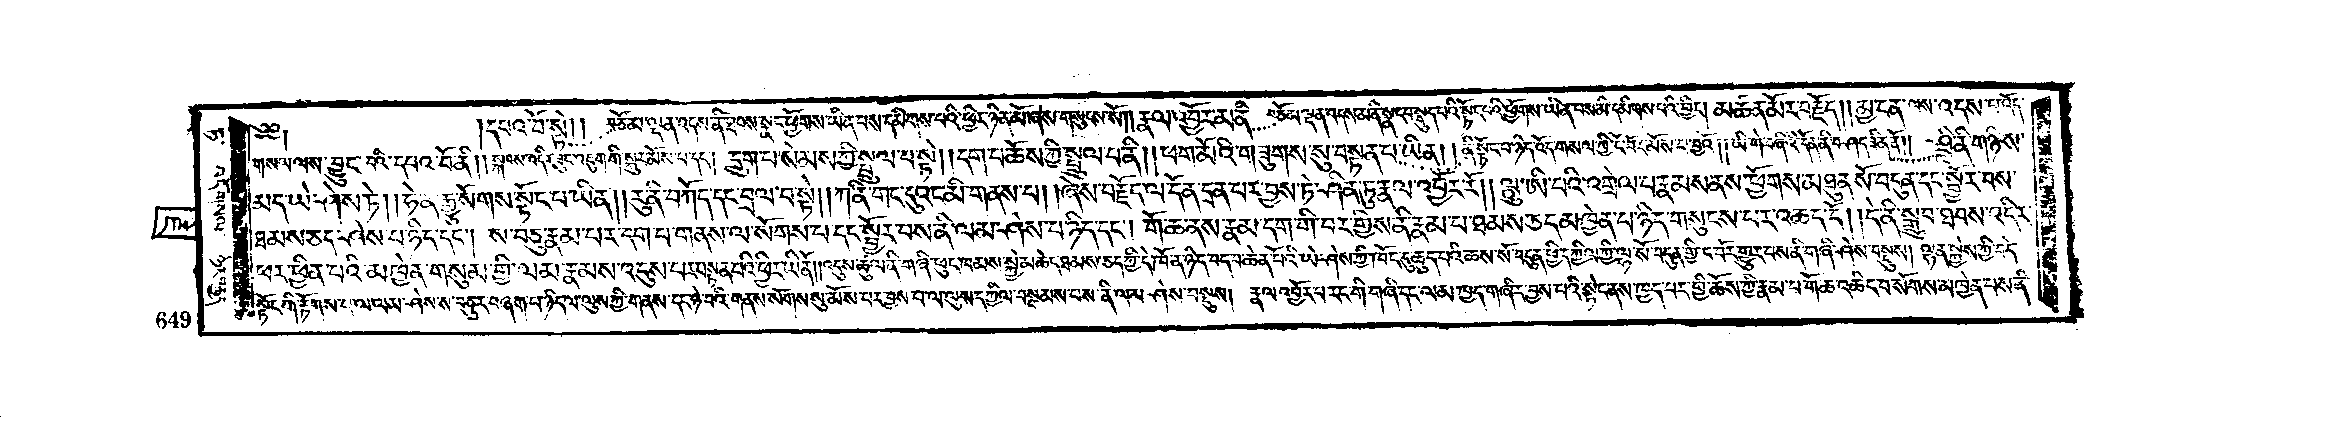༄༅། །དཔའ་བོ་སྟེ། །བཅོམ་ལྡན་འདས་ནི་ཐབས་སྣང་ཕྱོགས་ཡིན་པས་དམིགས་པའི་ཕྱིར་ཉིན་མོ་ཞེས་གསུངས་སོ།  །རྣལ་འབྱོར་མ་ནི་བཅོམ་ལྡན་འདས་མ་ནི་སྣང་བ་སྡུད་པའི་སྟོང་པའི་ཕྱོགས་ཡིན་པས་མི་དམིགས་པའི་ཕྱིར།  མཚན་མོར་བརྗོད། །མྱ་ངན་ལས་འདས་པ་འོད་
གསལ་ལས་བྱུང་བའི་དཔའ་བོ་ནི། །སྐབས་འདིར་ཟུང་འཇུག་གི་སྐུར་མོས་པ་དང་།  དྲུག་པ་སེམས་ཀྱི་སྤྲུལ་པ་སྟེ། །དག་པ་ཆོས་ཀྱི་སྤྲུལ་པ་ནི། །ཕག་མོའི་གཟུགས་སུ་བསྟན་པ་ཡིན། །ནི་སྟོང་པ་ཉིད་འོད་གསལ་གྱི་ངོ་བོར་མོས་པ་བྱའོ། །ཡི་གེ་བཞིའི་དོན་ནི་བཤད་ཟིན་ནོ། ། ཤྲཱི་ནི་གཉིས་
མེད་ཡེ་ཤེས་ཏེ། །ཧེ་ནི་རྒྱུ་སོགས་སྟོང་པ་ཡིན། །རུ་ནི་བཀོད་དང་བྲལ་བ་སྟེ། །ཀ་ནི་གང་དུའང་མི་གནས་པ། །ཞེས་བརྗོད་ལ་དོན་དྲན་པར་བྱས་ཏེ་ཤིན་ཏུ་རྣལ་འབྱོར་རོ། །ལཱུ་ཨི་པའི་འགྲེལ་པ་རྣམས་ནས་ཕྱོགས་མཐུན་སོ་བདུན་དང་སྦྱོར་བས་
ཐམས་ཅད་ཤེས་པ་ཉིད་དང་། ས་བཅུ་རྣམ་པར་དག་པ་གནས་ལ་སོགས་པ་དང་སྦྱོར་བས་ནི་ལམ་ཤེས་པ་ཉིད་དང་། གོ་ཆ་ནས་རྣམ་དག་གི་བར་གྱིས་ནི་རྣམ་པ་ཐམས་ཅད་མཁྱེན་པ་ཉིད་གསུངས་པར་འཆད་དོ། །དེ་ནི་སྒྲུབ་ཐབས་འདིར་
ཕར་ཕྱིན་པའི་མཁྱེན་གསུམ་གྱི་ལམ་རྣམས་འདུས་པར་བསྟན་པའི་ཕྱིར་ཡིན་ནོ། །འདུས་ཚུལ་ནི་གཞི་ཕུང་ཁམས་སྐྱ་མཆེད་ཐམས་ཅད་ཀྱི་དེ་ཁོ་ན་ཉིད་བདེ་བ་ཆེན་པོའི་ཡེ་ཤེས་ཀྱི་ཁོང་དུ་ཆུད་པའི་ཆས་སོ་བདུན་ཕྱི་དཀྱིལ་གྱི་ལྷ་སོ་བདུན་གྱི་ངོ་བོར་གྱུར་པས་ནི་གཞི་ཤེས་བསྡུས། ལྷན་སྐྱེས་ཀྱི་བདེ་
སྟོང་གི་རྟགས་པ་ལ་ལམ་ཤེས་ས་བཅུར་བཞག་པ་ཉིད་ལ་ལུས་ཀྱི་གནས་དང་ཉེ་བའི་གནས་སོགས་སུ་མོས་པར་བྱས་པ་ལ་ལུས་དཀྱིལ་བསྒམས་པས་ནི་ལམ་ཤེས་བསྡུས། རྣལ་འབྱོར་པ་རང་གི་གཞི་དང་ལམ་ཁྱད་གཞིར་བྱས་པའི་སྟེང་ནས་ཁྱད་པར་གྱི་ཆོས་ཀྱི་རྣམ་པ་གོ་ཆ་འཆིང་བ་སོགས་མཁྱེན་པས་ནི་